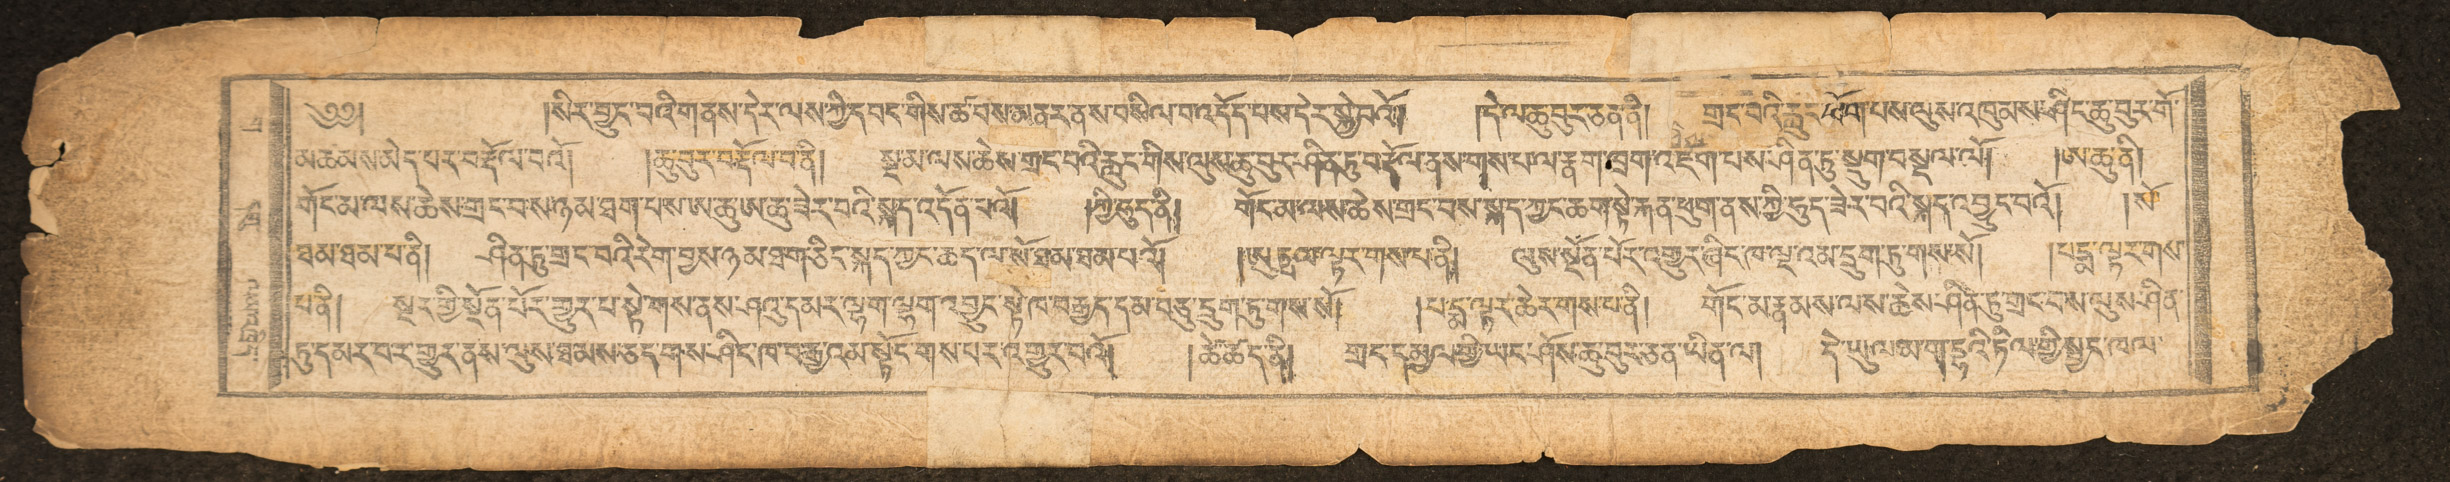༄༅། །སིར་བྱུང་བའི་གནས་དེར་ལས་གྱི་དབང་གིས་ཚབས་མནར?་ནས་བསལ་བ་འདོད་པས་?་སྐྱེ་བའོ?། །དེ་ལ་ཆུ་ལུང?་ཅན་ནི། གྲང་པའི་རླུང་ཕོག་པས་ལུས?་འབུམས?་ཤིང་ཆུ་?་གོ་
མཚམས་མེད་པར་བརྡོལ་བའོ། །ཆུ་བུར་བརྡོལ་བ་ནི། སྔ་མ་ལྔས?་ཆེས་གྲང་བའི་རླུང་གིས་ལུས་ཆུ་བུར་ཤིན་ཏུ་བརྡོལ་ནས་གས་པ་ལ་རྣག་ཁྲག་འཛག་པས་ཤིན་ཏུ་སྡུག་བསྔལ་ལོ། །ཨ་ཆུ་ནི།
གོང་མ་ལས་ཆེས་གྲང་བས་ཉམ་ཐག་པས་ཨ་ཆུ་ཨ་ཆུ་ཟེར་བའི་སྐད་འདོན་པའོ། །ཀྱི་ཧུད་ནི། གོང་མ་ལས་ཆེས་གྲང་བས་སྐད་ཀྱང་ཆག་སྟེ་རྐན་ཕུག་ནས་ཀྱི་ཧུད་ཟེར་བའི་སྐད་འབྱུང་བའོ། །སོ་
ཐམ་ཐམ་པ་ནི། ཤིན་ཏུ་གྲང་བའི་རེག་བྱས་ཉམ་ཐག་ཅིང་སྐད་ཀྱང་ཆད་ལས་ཐམ་ཐམ་པའོ། །ཨུཏྤལ་ལྟར་གས་པ་ནི། ལུས་སྔོན་པོར་འགྱུར་ཞིང་ཁ་ལྔ་འམ་དྲུག་ཏུ་གས་སོ། །པདམ་ལྟར་གས་
པ་ནི། སྔར་གྱི?་སྔོན་པོར་གྱུར་པ་སྟེགས་ནས་ཤའུ་དམར་ལྷག་ལྷག་འབྱུང་སྟེ་ཁ་བརྒྱད་དམ་བཅུ་དྲུག་ཏུ་གས་སོ། །པདམ་ལྟར་ཆེར་གས་པ་ནི། གོང་མ་རྣམས་ལས་ཆེས་ཤིན་ཏུ་གྲང་བས་ལུས་ཤིན་
ཏུ་དམར་བར་གྱུར་ནས་ལུས་ཐམས་ཅད་གས་ཤིང་ཁ་བརྒྱ་འམ་སྟོང་གས་པར་འགྱུར་བའོ། །ཚེ་ཚད་ནི། གྲང་དམྱལ་གྱི་ཡང་ཤོས་ཆུ་བུར་ཅན་ཡིན་ལ། དེ་ཡུལ་མ་ག་དྷའི?་ཏིལ་གྱི་སྦྱང་ཁལ་